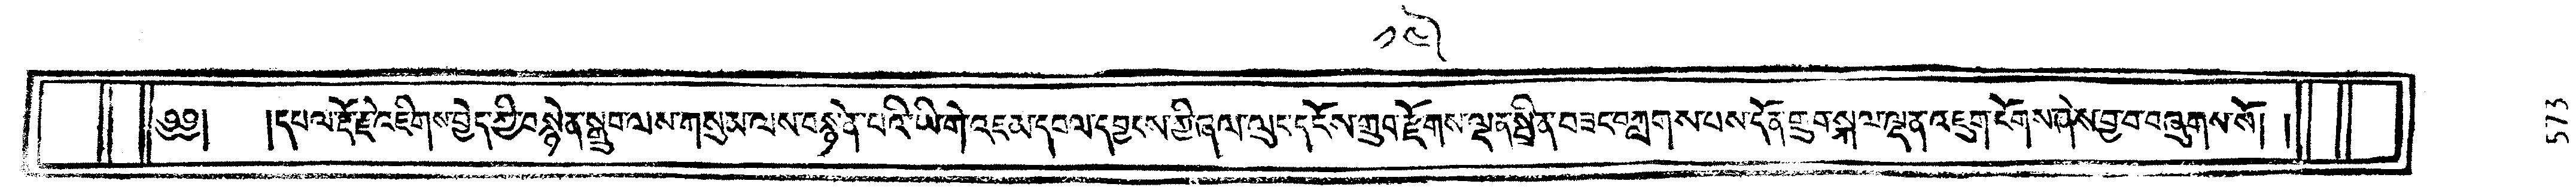༡༤?
༄༅། །དཔལ་རྡོ་རྗེ་འཇིགས་བྱེད་ཀྱི་བསྙེན་སྒྲུབ་ལས་གསུམ་ལས་བསྙེན་པའི་ཡི་གེ་འཇམ་དཔལ་དབྱངས་ཀྱི་ཞལ་ལུང་དངོས་གྲུབ་རྫོགས་ལྡན་སྤྱིན་བཟང་བཀླགས་པས་དོན་གྲུབ་སྐལ་ལྡན་འཇུག་ངོགས་ཤེས་བྱ་བ་བཞུགས་སོ། །